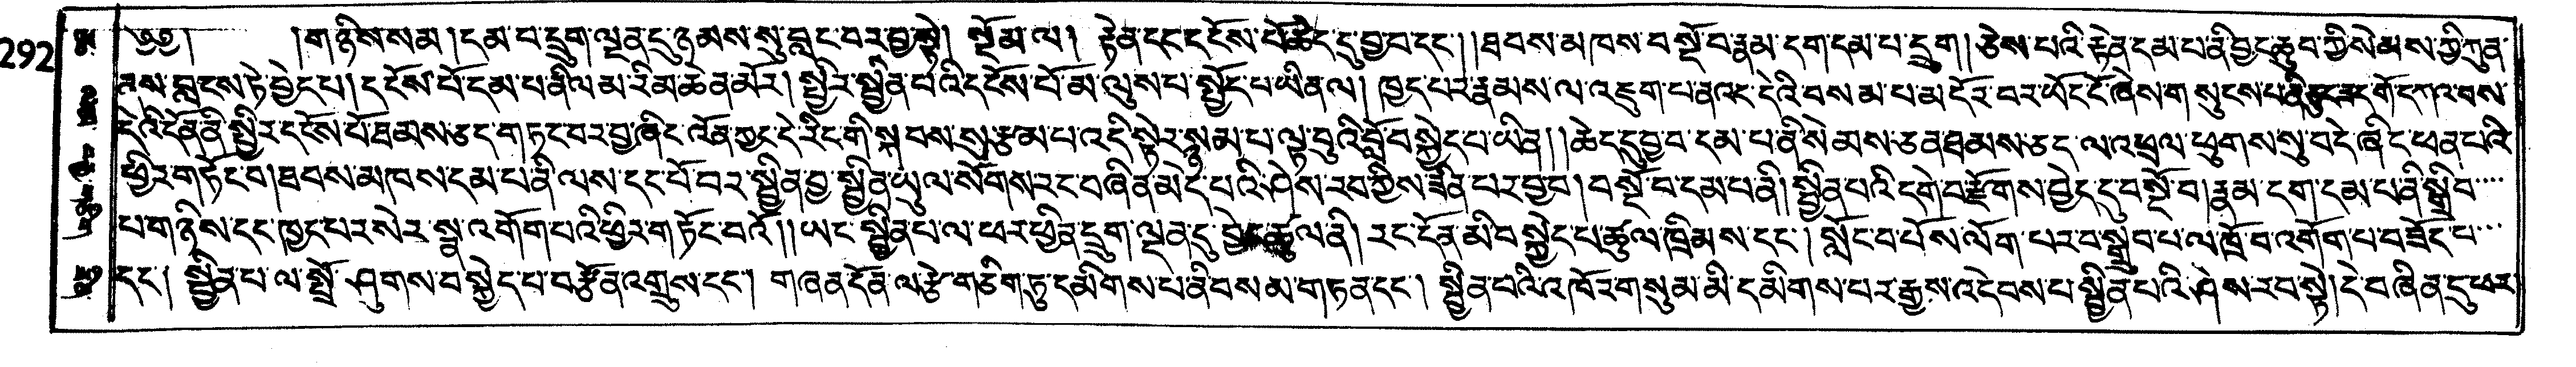༄༅། །གཉིས་སམ། དམ་པ་དྲུག་ལྡན་དུ་ཉམས་སུ་བླང་བར་བྱ་སྟེ། སྡོམ་ལ། རྟེན་དང་དངོས་པོ་ཆེད་དུ་བྱ་བ་དང་། །ཐབས་མཁས་བསྔོ་བ་རྣམ་དག་དམ་པ་དྲུག །ཅེས་པའི་རྟེན་དམ་པ་ནི་བྱང་ཆུབ་ཀྱི་སེམས་ཀྱི་ཀུན་
ནས་བླངས་ཏེ་བྱེད་པ། དངོས་པོ་དམ་པ་ནི་ལམ་རིམ་ཆེན་མོར། སྤྱིར་སྦྱིན་པའི་དངོས་པོ་མ་ལུས་པ་སྤྱོད་པ་ཡིན་ལ། ཁྱད་པར་རྣམས་ལ་འཇུག་པ་ནའང་དེའི་བསམ་པ་མདོར་བར་ཡོང་ངོ་ཞེས་གསུངས་པ་ནི་ཅུང་ཟད་གོ་དཀའ་བས་
དེའི་དོན་ནི་སྤྱིར་དངོས་པོ་ཐམས་ཅད་གཏང་བར་བྱ་ཞིང་འོན་ཀྱང་དེ་རིང་གི་སྐབས་སུ་རྩམ་པ་འདི་སྟེར་སྙམ་པ་ལྟ་བུའི་བློ་བསྐྱེད་པ་ཡིན། །ཆེད་དུ་བྱ་བ་དམ་པ་ནི་སེམས་ཅན་ཐམས་ཅད་ལ་འཕྲལ་ཕུགས་སུ་བདེ་ཞིང་ཕན་པའི་
ཕྱིར་གཏོང་བ། ཐབས་མཁས་དམ་པ་ནི་ལས་དང་པོ་བར་སྦྱིན་བྱ་སྦྱིན་ཡུལ་སོགས་རང་བཞིན་མེད་པའི་ཤེས་རབ་ཀྱིས་ཟིན་པར་བྱ་བ། བསྔོ་བ་དམ་པ་ནི། སྦྱིན་པའི་དགེ་བ་རྫོགས་བྱེད་དུ་བསྔོ་བ། རྣམ་དག་དམ་པ་ནི་སྒྲིབ་
པ་གཉིས་དང་ཁྱད་པར་སེར་སྣ་འགོག་པའི་ཕྱིར་གཏོང་བའོ། །ཡང་སྦྱིན་པ་ལ་ཕར་ཕྱིན་དྲུག་ལྡན་དུ་བྱེད་ཚུལ་ནི། རང་དོན་མི་བསྐྱེད་པ་ཚུལ་ཁྲིམས་དང་། སློང་བ་པོས་ལོག་པར་བ་སྒྲུབ་པ་ལ་ཁྲོ་བ་འགོག་པ་བཟོད་པ་
དང༑ སྦྱིན་པ་ལ་སྤྲོ་ཤུགས་བསྐྱེད་པ་བརྩོན་འགྲུས་དང་། གཞན་དོན་ལ་རྩེ་གཅིག་ཏུ་དམིགས་པ་ནི་བསམ་གཏན་དང་། སྦྱིན་པའི་འཁོར་གསུམ་མི་དམིགས་པར་རྒྱས་འདེབས་པ་སྦྱིན་པའི་ཤེས་རབ་སྟེ། དེ་བཞིན་དུ་ཕར་